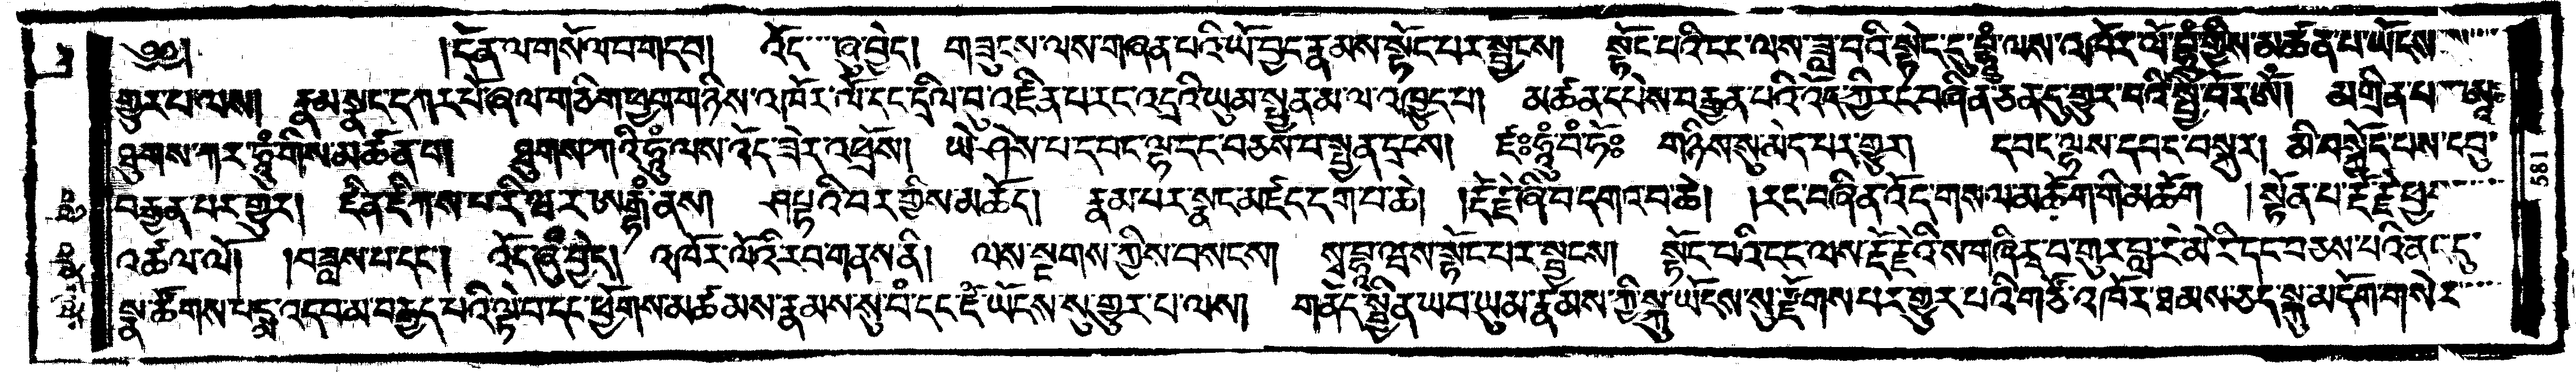༄༅། །དོན་ལ་གསོལ་བ་གདབ། འོད་ཞུ་བྱེད། གཟུངས་ལས་གཞན་པའི་ཡོ་བྱང་རྣམས་སྟོང་པར་སྦྱངས། སྟོང་པའི་ངང་ལས་ཟླ་བའི་སྟེང་དུ་བྷུཾ་ལས་འཁོར་ལོ་བྷཾ་གྱིས་མཚན་པ་ཡོངས་
གྱུར་པ་ལས། རྣམ་སྣད་དཀར་པོ་ཞལ་གཅིག་ཕྱག་གཉིས་འཁོར་ལོ་དང་དྲིལ་བུ་འཛིན་པ་རང་འདྲའི་ཡུམ་སྤྱན་མ་ལ་འཁྱུད་པ། མཚན་དཔེས་བརྒྱན་པའི་འོད་ཀྱི་རང་བཞིན་ཅན་དུ་གྱུར་བའི་སྤྱི་བོར་ཨོཾ། མགྲིན་པ་ཨཱ་
ཐུགས་ཀར་ཧཱུཾ་གིས་མཚན་པ། ཐུགས་ཀའི་ཧཱུཾ་ལས་འོད་ཟེར་འཕྲོས། ཡེ་ཤེས་པ་དབང་ལྷ་དང་བཅས་པ་སྤྱན་དྲངས། ཛཿ ཧཱུཾ་བཾ་ཧོཿ གཉིས་སུ་མེད་པར་གྱུར། དབང་ལྷས་དབང་བསྐུར། མི་བསྐྱོད་པས་དབུ་
བརྒྱན་པར་གྱུར། ཛིན་ཛི་ཀས་པ་རི་ཝར་ཨརྒྷཾ་ནས། ཤཔྟའི་བར་གྱིས་མཆོད། རྣམ་པར་སྣང་མཛད་དག་བ་ཆེ། །རྡོ་རྗེ་ཞི་བ་དགའ་བ་ཆེ། །རང་བཞིན་འོད་གསལ་མཆོག་གི་མཆོག །སྟོན་པ་རྡོ་རྗེ་ཕྱས་
འཚལ་ལོ། །བཟླས་པ་དང་། འོད་ཞུ་བྱེད། འཁོར་ལོའི་རབ་གནས་ནི། ལས་སྔགས་ཀྱིས་བསངས། སྭཕཱ་ཝས་སྟོང་པར་སྦྱངས། སྟོང་བའི་ངང་ལས་རྡོ་རྗེའི་ས་གཞི་རྭ་བ་གུར་བླ་རེ་མེ་རི་དང་བཅས་པའི་ནང་དུ་
སྣ་ཚོགས་པདམ་འདབ་མ་བརྒྱད་པའི་ལྟེ་བ་དང་ཕྱོགས་མཚམས་རྣམས་སུ་བཾ་དང་ཛ་ཡོངས་སུ་གྱུར་པ་ལས། གནོད་སྦྱིན་ཡབ་ཡུམ་རྣམས་ཀྱི་སྐུ་ཡོངས་སུ་རྫོགས་པར་གྱུར་པའི་གཙོ་འཁོར་ཐམས་ཅད་སྐུ་མདོག་གསེར་